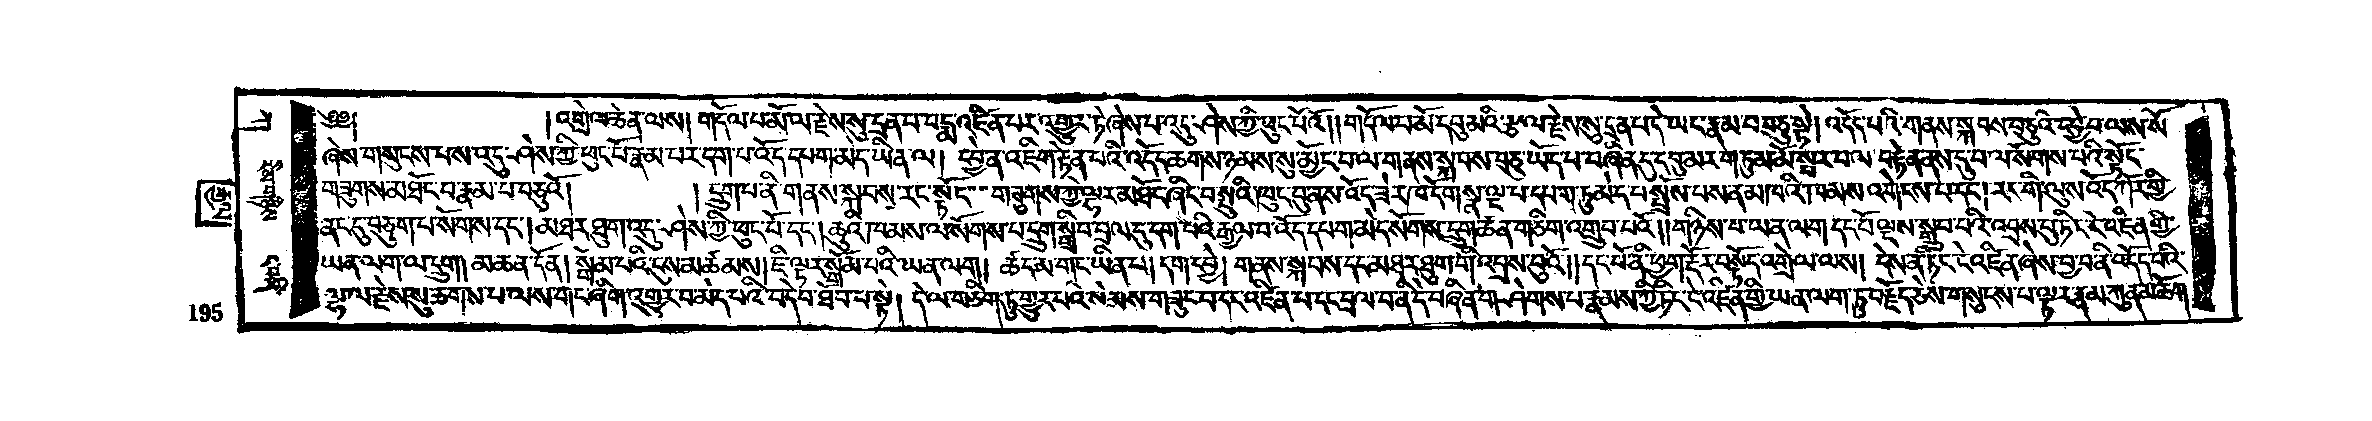༄༅། །འགྲེལ་བ་ཆེན་ལས། གདོལ་པ་མོ་ལ་རྗེས་སུ་དྲན་པ་པདམ་འཛིན་པར་འགྱུར་ཏེ་ཞེས་པ་འདུ་ཤེས་ཀྱི་ཕུང་པོའོ། །གདོལ་པ་མོ་དབུ་མའི་རྩལ་རྗེས་སུ་དྲན་པ་དེ་ཡང་རྣམ་པ་བཅུ་སྟེ། འདོད་པའི་གནས་སྐབས་བཅུའི་དབྱེ་བ་ལས་སོ་
ཞེས་གསུངས་པས་འདུ་ཤེས་ཀྱི་ཕུང་པོ་རྣམ་པར་དག་པ་འོད་དཔག་མེད་ཡིན་ལ། དབྱེ་ན་འཇིག་རྟེན་པའི་འདོད་ཆགས་ཉམས་སུ་མྱོང་བ་ལ་གནས་སྐབས་བཅུ་ཡོད་པ་བཞིན་དུ་དབུ་མར་གཏུམ་མོ་སྦར་བ་ལ་བརྟེན་ནས་དུ་བ་ལ་སོགས་པའི་སྟོང་
གཟུགས་མཐོང་བ་རྣམ་པ་བཅུའོ། །དྲུག་པ་ནི་གནས་སྐབས་རང་སྟོང་གཟུགས་ཀྱི་ལྷར་མཐོང་ཞིང་བ་སྤུའི་ཁུང་བུ་ནས་འོད་ཟེར་ཁ་དོག་སྣ་ལྔ་པ་དཔག་ཏུ་མེད་པ་སྤྲོས་པས་ནམ་མཁའི་ཁམས་འགེངས་པ་དང་། རང་གི་ལུས་འོད་ཀོར་གྱི་
ནང་དུ་བཅུག་པ་སོགས་དང་། མཐར་ཐུག་འདུ་ཤེས་ཀྱི་ཕུང་པོ་དང་། ཆུའི་ཁམས་ལ་སོགས་པ་དྲུག་སྒྲིབ་བྲལ་དུ་དག་པའི་རྒྱལ་བ་འོད་དཔག་མེད་སོགས་དྲུག་ཚན་གཅིག་འགྲུབ་པའོ། །གཉིས་པ་ཡན་ལག་དང་པོ་ལྔས་སྒྲུབ་པའི་འབྲས་བུ་ཏིང་ངེ་འཛིན་གྱི་
ཡན་ལག་ལ་དྲུག །མཚན་དོན། སྒོམ་པའི་དུས་མཚམས། ཇི་ལྟར་སྒོམ་པའི་ཡན་ལག །ཚད་མ་གང་ཡིན་པ། དག་དབྱེ། གནས་སྐབས་དང་མཐར་ཐུག་གི་འབྲས་བུའོ། །དང་པོ་ནི་ཕྱག་རྡོར་བསྟོད་འགྲེལ་ལས། དེས་ནི་ཏིང་ངེ་འཛིན་ཞེས་བྱ་བ་ནི་འདོད་པའི་
ལྷ་ལ་རྗེས་སུ་ཆགས་པ་ལས་གང་ཞིག་འགྱུར་བ་མེད་པའི་བདེ་བ་ཐོབ་པ་སྟེ། དེ་ལ་གཅིག་ཏུ་གྱུར་པའི་སེམས་གཟུང་བ་དང་འཛིན་པ་དང་བྲལ་བ་ནི་དེ་བཞིན་གཤེགས་པ་རྣམས་ཀྱི་ཏིང་ངེ་འཛིན་གྱི་ཡན་ལག་ཏུ་བརྗོད་ཅེས་གསུགནས་པ་ལྟར་རྣམ་ཀུན་མཆོག་